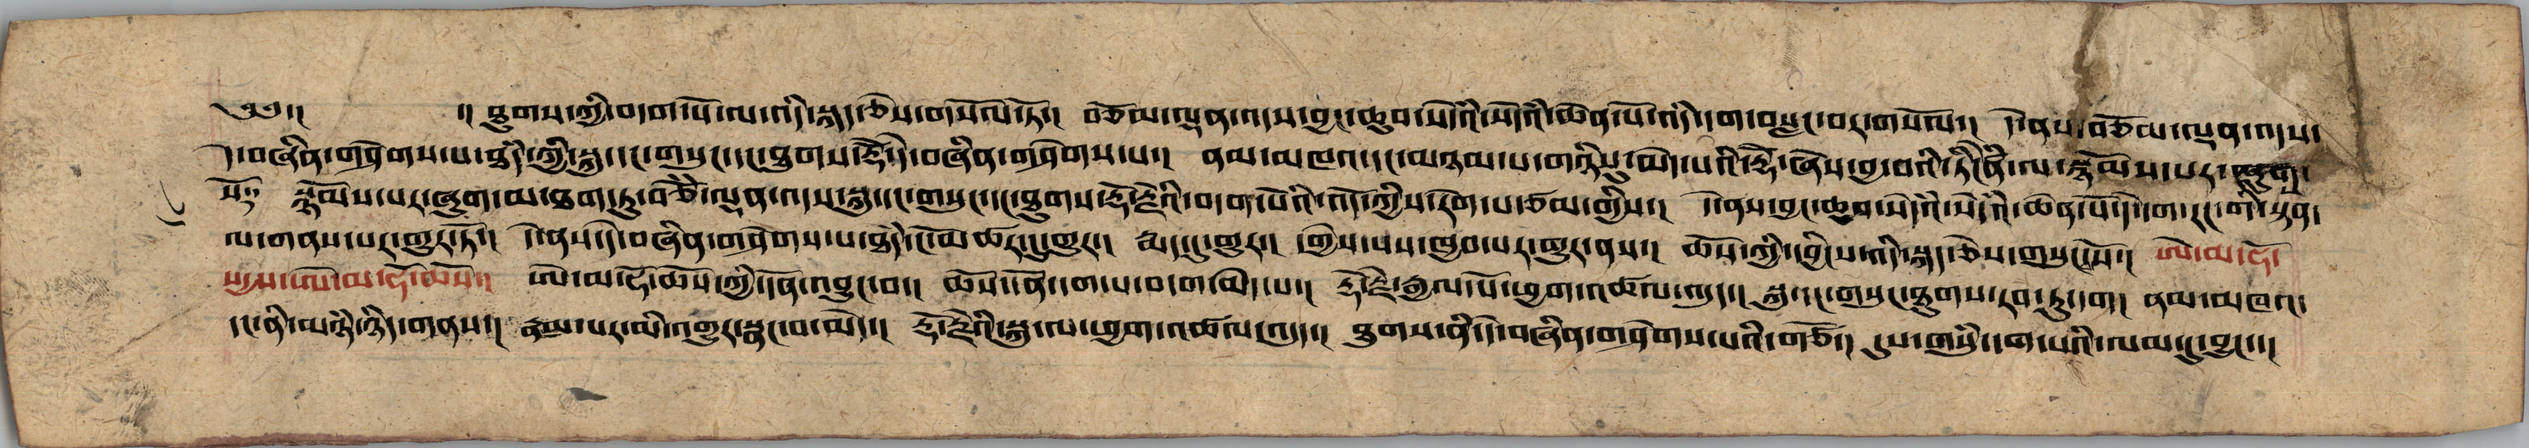༄༅་། ་།ཐུགས་ཀྱི་བདག་པོ་ལ་འདི་སྐད་ཅེས་གསོལ་ཏོ་། བཅོམ་ལྡན་འདས་བྱང་ཆུབ་སེདཾའ་སེདཾའ་ཆེན་པོ་འདི་དག་བསླང་བར་གསོལ་། དེ་ནས་བཅོམ་ལྡན་འདས་
དེ་བཞིན་གཤེགས་པ་ཐཾད་ཀྱི་སྐུ་དང་གསུང་དང་ཐུགས་རྡོེ་དེ་བཞིན་གཤེགས་པ་། ནམ་མཁའ་དང་མཉམ་པ་གཉིསུ་མེད་པའི་རྡོེ་ཞེས་བྱ་བའི་ཏིངེཛིན་ལ་སྙོམས་པར་ཞུགས་
སོ༑ སྙོམས་པར་ཞུག་མ་ཐག་ཏུ་བཅོཾ་ལྡན་འདས་སྐུ་དང་གསུང་དང་ཐུགས་རྡོ་རྗེའི་བདག་པོའི་འོད་ཀྱིས་རེག་པ་ཙམ་གྱིས་། དེ་ནས་བྱང་ཆུབ་སེདཾའ་སེདཾའ་ཆེན་པོ་དེ་དག་རང་གི་སྟན་
ལ་གནས་པར་གྱུར་ཏོ་། དེ་ནས་དེ་བཞིན་གཤེགས་པ་ཐཾད་ངོ་མཚར་དུ་གྱུར་། རྨད་དུ་གྱུར་། དགྱེས་པས་ཁྱབ་པར་གྱུར་ནས་། ཆོས་ཀྱི་དབྱིངས་འདི་སྐད་ཅེས་གསུངསོ་། ཨེ་མ་ཧོ་
སདྱས་ཨེ་མ་ཧོ་ཆོས་། ཨེ་མ་ཧོ་ཆོས་ཀྱི་དོན་འབྱུང་བ་། ཆོས་དོན་དག་པ་བདག་མེད་པ་། རྡོ་རྗེ་རྒྱལ་པོ་ཕྱག་འཚལ་འདུད་། སྐུ་དང་གསུང་ཐུགས་རབ་ཏུ་དག། ནམ་མཁའ་
དང་ནི་མཉཾ་ཉིད་གནས་། རྣམ་པར་མི་འགྱུར་སྣང་བ་མེད་། རྡོ་རྗེའི་སྐུ་ལ་ཕྱག་འཚལ་འདུད་། ཐུགས་ནི་དེ་བཞིན་གཤེགས་པའི་གཙོ་། དུས་གསུཾཾ་དག་པའི་ལམ་དུ་བྱུང་་།